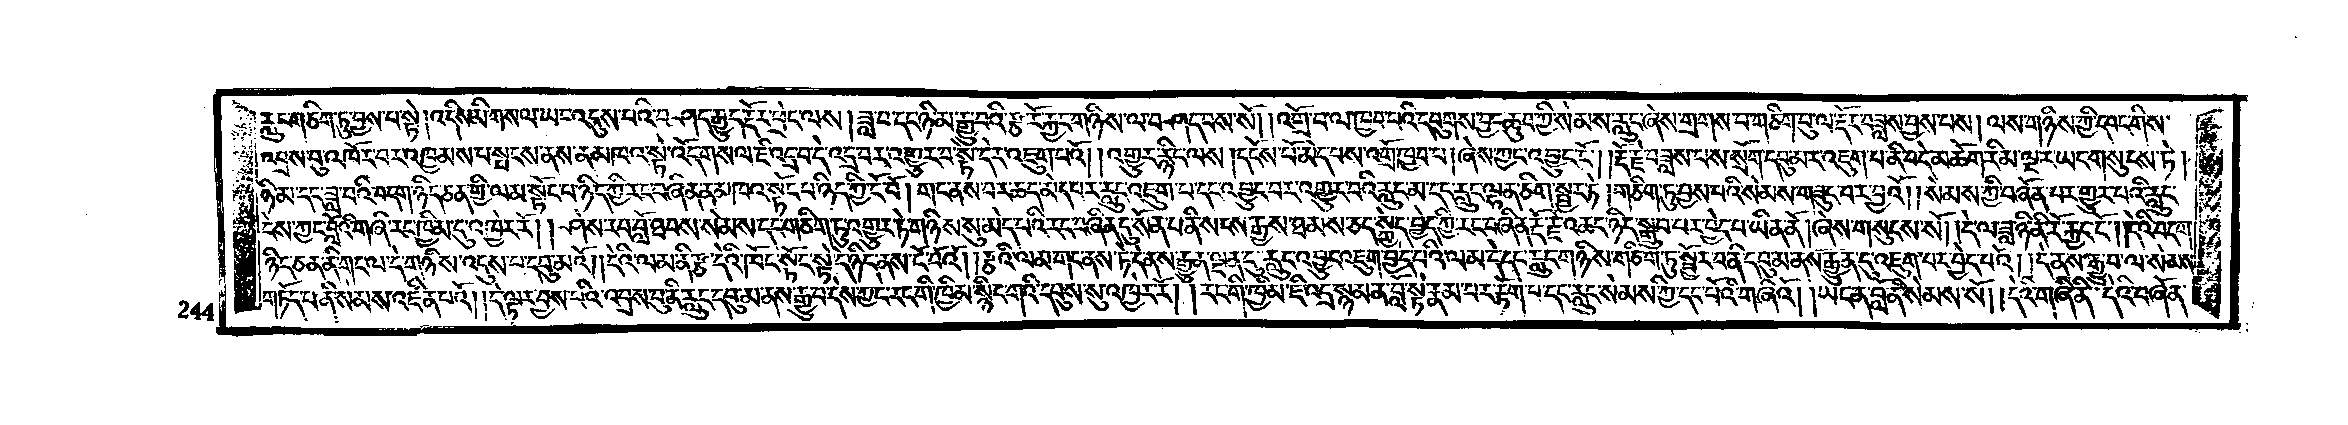རླུང་གཅིག་ཏུ་བྱས་པ་སྟེ། འདིར་མི་གསལ་ཡང་འདུས་པའི་བཤད་རྒྱུད་རྡོར་ཕྲེང་ལས། ཟླ་བ་དང་ཉི་མ་རྒྱུ་བའི་རྩ་རོ་རྐྱང་གཉིས་ལ་བཤད་པས་སོ། །འགྲོ་བ་ལ་ཁྱབ་པའི་དབུགས་བྱང་ཆུབ་ཀྱི་སེམས་རླུང་ཞེས་གྲགས་པ་གཅིག་པུ་ལ་རྡོར་བཟླས་བྱས་པས། ལས་གཉིས་ཀྱི་དབང་གིས་
འབྲས་བུ་འཁོར་བར་འཁྱམས་པ་སྤངས་ནས་ནམ་མཁའ་སྟེ་འོད་གསལ་ཇི་འདྲ་བ་དེ་འདྲ་བར་འགྱུར་བ་སྟེ་དེར་འཇུག་པའོ། །འགྱུར་རྙིང་ལས། དངོས་པོ་མེད་པས་འགྲོ་ཁྱབ་པ། ཞེས་ཀྱང་འབྱུང་ངོ། །རྡོ་རྗེ་བཟླས་པས་སྲོག་དབུ་མར་འཇུག་པ་ནི་བདེ་མཆོག་རིམ་ལྔར་ཡང་གསུངས་ཏེ།
ཉི་མ་དང་ཟླ་བའི་བདག་ཉིད་ཅན་གྱི་ལམ་སྟོང་པ་ཉིད་ཀྱི་རང་བཞིན་ནམ་མཁའ་སྟོང་པ་ཉིད་ཀྱི་ངོ་བོ། གང་ནས་བར་ཆད་མེད་པར་རླུང་འཇུག་པ་དང་འབྱུང་བར་འགྱུར་བའི་རླུང་མ་དང་རླུང་ལྷན་ཅིག་སྦྱར་ཏེ། གཅིག་ཏུ་བྱས་པའི་སེམས་གཟུང་བར་བྱའོ། །སེམས་ཀྱི་བཞོན་པར་གྱུར་པའི་རླུང་
ངེས་ཀྱང་བློའི་གཞི་རང་ཁྱིམ་དུ་འཁྱེར་རོ། །ཤེས་རབ་བློ་ཐབས་སེམས་དང་གཅིག་ཏུ་འགྱུར་ཏེ་གཉིས་སུ་མེད་པའི་རང་བཞིན་དུ་སོན་པ་ནི་སངས་རྒྱས་ཐམས་ཅད་སྐྱེད་བྱེད་ཀྱི་རང་བཞིན་རྡོ་རྗེ་འཆང་ཉིད་སྒྲུབ་པར་བྱེད་པ་ཡིན་ནོ། ཞེས་གསུངས་སོ། །དེ་ལ་ཟླ་ཉི་ནི་རོ་རྐྱང་ངོ། །དེའི་བདག་
ཉིད་ཅན་ནི་གང་ལ་དེ་གཉིས་འདུས་པ་དབུ་མའོ། །དེའི་ལམ་ནི་རྩ་དེའི་ཁོང་སྟོང་སྟེ་དེ་ཉིད་ནས་ངོ་བོའོ། །རྩའི་ལམ་གང་ནས་ཏེ་དེ་ནས་རྒྱུན་ལྡན་དུ་རླུང་འབྱུང་འཇུག་བྱེད་པའི་ལམ་དེ་དང་རླུང་གཉིས་གཅིག་ཏུ་སྦྱོར་བ་ནི་དབུ་མ་ནས་རྒྱུན་དུ་འཇུག་པར་བྱེད་པའོ། །དེ་ནས་རྒྱུ་བ་ལ་སེམས་
གཏོད་པ་ནི་སེམས་འཛིན་པའོ། །དེ་ལྟར་བྱས་པའི་འབྲས་བུ་ནི་རླུང་དབུ་མ་ནས་རྒྱུ་བ་དེས་ཀྱང་རང་གི་ཁྱིམ་སྙིང་གའི་དབུས་སུ་འཁྱེར་རོ། །རང་གི་ཁྱིམ་ཇི་འདྲ་སྙམ་ན་བློ་སྟེ་རྣམ་པར་རྟོག་པ་དང་རླུང་སེམས་ཀྱི་དང་པོའི་གཞིའོ། །ཡང་ན་བློ་ནི་སེམས་སོ། །དེའི་གཞི་ནི་དེའི་བཞོན་